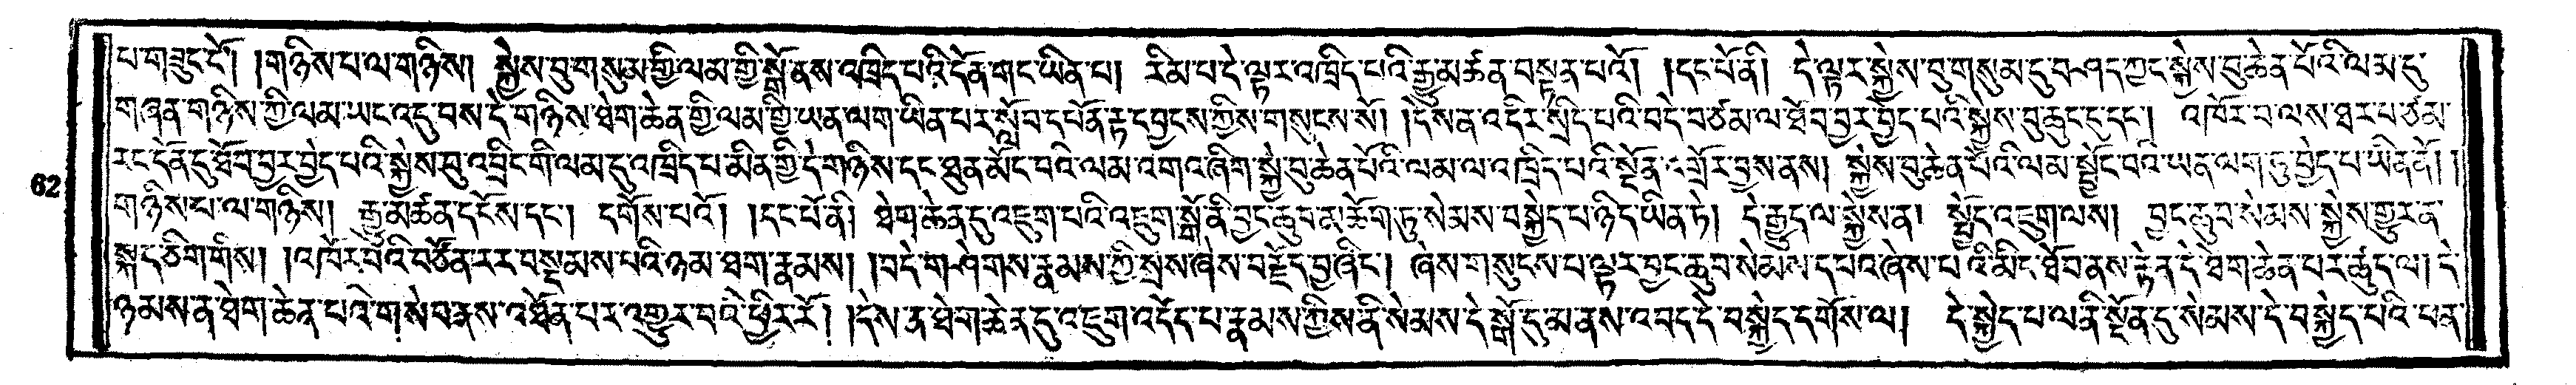པ་གཟུང་ངོ ། །གཉིས་པ་ལ་གཉིས། སྐྱེས་བུ་གསུམ་གྱི་ལམ་གྱི་སྒོ་ནས་འཁྲིད་པའི་དོན་གང་ཡིན་པ། རིམ་པ་དེ་ལྟར་འཁྲིད་པའི་རྒྱུ་མཚན་བསྟན་པའོ། །དང་པོ་ནི། དེ་ལྟར་སྐྱེས་བུ་གསུམ་དུ་བཤད་ཀྱང་སྐྱེས་བུ་ཆེན་པོའི་ལམ་དུ་
གཞན་གཉིས་ཀྱི་ལམ་ཡང་འདུ་བས་དེ་གཉིས་ཐེག་ཆེན་གྱི་ལམ་གྱི་ཡན་ལག་ཡིན་པར་སློབ་དཔོན་རྟ་དབྱངས་ཀྱིས་གསུངས་སོ། །དེས་ན་འདིར་སྲིད་པའི་བདེ་བ་ཙམ་ལ་ཐོབ་བྱར་བྱེད་པའི་སྐྱེས་བུ་ཆུང་དུ་དང་། འཁོར་བ་ལས་ཐར་པ་ཙམ་
རང་དོན་དུ་ཐོབ་བྱར་བྱེད་པའི་སྐྱེས་བུ་འབྲིང་གི་ལམ་དུ་འཁྲིད་པ་མིན་གྱི་དེ་གཉིས་དང་ཐུན་མོང་བའི་ལམ་འགའ་ཞིག་སྐྱེས་བུ་ཆེན་པོའི་ལམ་ལ་འཁྲིད་པའི་སྔོན་འགྲོར་བྱས་ནས། སྐྱེས་བུ་ཆེན་པོའི་ལམ་སྦྱོང་བའི་ཡན་ལག་ཏུ་བྱེད་པ་ཡིན་ནོ།།
གཉིས་པ་ལ་གཉིས། རྒྱུ་མཚན་དངོས་དང་། དགོས་པའོ། །དང་པོ་ནི། ཐེག་ཆེན་དུ་འཇུག་པའི་འཇུག་སྒོ་ནི་བྱང་ཆུབ་མཆོག་ཏུ་སེམས་བསྐྱེད་པ་ཉིད་ཡིན་ཏེ། དེ་རྒྱུད་ལ་སྐྱེས་ན། སྤྱོད་འཇུག་ལས། བྱང་ཆུབ་སེམས་སྐྱེས་གྱུར་ན་
སྐད་ཅིག་གིས། །འཁོར་བའི་བཙོན་རར་བསྔམས་པའི་ཉམ་ཐག་རྣམས། །བདེ་གཤེགས་རྣམས་ཀྱི་སྲས་ཞེས་བརྗོད་བྱ་ཞིང་། ཞེས་གསུངས་པ་ལྟར་བྱང་ཆུབ་སེམས་དཔའ་ཞེས་པའི་མིང་ཐོབ་ནས་རྟེན་དེ་ཐེག་ཆེན་པར་ཚུད་ལ། དེ་
ཉམས་ན་ཐེག་ཆེན་པའི་གསེབ་ནས་འཐོན་པར་འགྱུར་བའི་ཕྱིར་རོ། །དེས་ན་ཐེག་ཆེན་དུ་འཇུག་འདོད་པ་རྣམས་ཀྱིས་ནི་སེམས་དེ་སྒོ་དུ་མ་ནས་འབད་དེ་བསྐྱེད་དགོས་ལ། དེ་སྐྱེད་པ་ལ་ནི་སྔོན་དུ་སེམས་དེ་བསྐྱེད་པའི་ཕན་